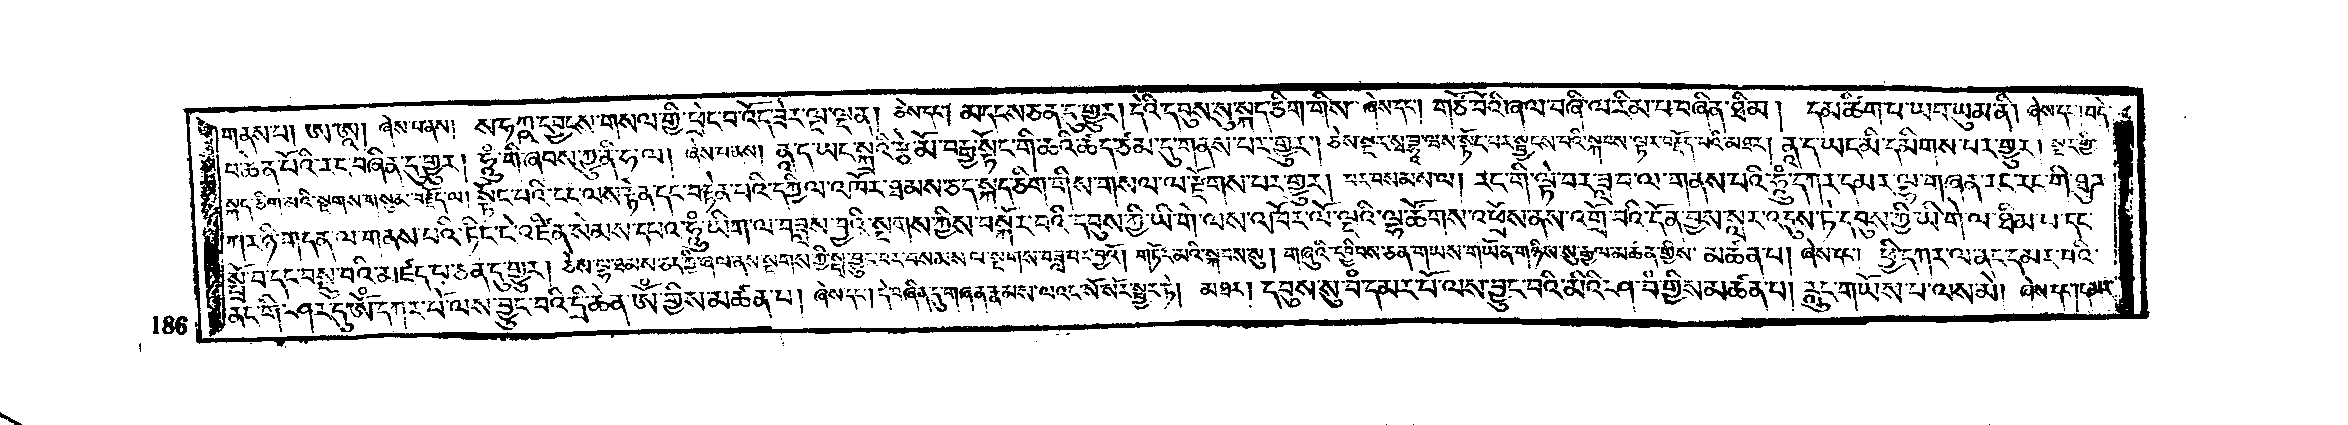གནས་པ། ཨ་ཨཱ། ཞེས་པ་ནས།  ས་ཧ་ཀྵ་དབྱངས་གསལ་གྱི་ཕྲེང་བ་འོད་ཟེར་ལྔ་ལྡན། ཅེས་དང་།  མདངས་ཅན་དུ་གྱུར། དེའི་དབུས་སུ་སྐད་ཅིག་གིས་ཞེས་དང་།  གཙོ་བོའི་ཞལ་བཞི་ལ་རིམ་པ་བཞིན་ཐིམ། དམ་ཚིག་པ་ཡབ་ཡུམ་ནི། ཞེས་དང་།  བདེ་
བ་ཆེན་པོའི་རང་བཞིན་དུ་གྱུར། ཧཱུཾ་གི་ཞབས་ཀྱུ་ནི་ཧ་ལ། ཞེས་པ་ནས།  ནཱ་ད་ཡང་སྐྲའི་རྩེ་མོ་བརྒྱ་སྟོང་གི་ཆའི་ཚད་ཙམ་དུ་གནས་པར་གྱུར། ཅེས་སྔར་སྭ་བྷཱ་ཝས་སྟོང་པར་སྦྱངས་པའི་སྐབས་ལྟར་བརྗོད་པའི་མཐར།  ནཱ་ད་ཡང་མི་དམིགས་པར་གྱུར། སྔར་གྱི་
སྐད་ཅིག་མའི་སྔགས་གསུམ་བརྗོད་ལ། སྟོང་པའི་ངང་ལས་རྟེན་དང་བརྟེན་པའི་དཀྱིལ་འཁོར་ཐམས་ཅད་སྐད་ཅིག་གིས་གསལ་ལ་རྫོགས་པར་གྱུར། པར་བསམས་ལ།  རང་གི་ལྟེ་བར་ཟླ་བ་ལ་གནས་པའི་ཧཱུཾ་དཀར་དམར་ལྷ་གཞན་རང་རང་གི་ཐུགས་
ཀར་ཉི་གདན་ལ་གནས་པའི་ཏིང་ངེ་འཛིན་སེམས་དཔའ་ཧཱུཾ་ཡིག་ལ་བཟླས་བྱའི་སྔགས་ཀྱིས་བསྐོར་བའི་དབུས་ཀྱི་ཡི་གེ་ལས་འཁོར་ལོ་ལྔའི་ལྷ་ཚོགས་འཕྲོས་ནས་འགྲོ་བའི་དོན་བྱས་སླར་འདུས་ཏེ་དབུས་ཀྱི་ཡི་གེ་ལ་ཐིམ་པ་དང་
སྤྲོ་བ་དང་བསྡུ་བའི་མཛད་པ་ཅན་དུ་གྱུར། ཅེས་ལྷ་ཐམས་ཅད་ཀྱི་ཞལ་ནས་སྔགས་ཀྱི་སྒྲ་བྱུང་བར་བསམས་ལ་སྔགས་བཟླ་བར་བྱའོ། གཏོར་མའི་སྐབས་སུ། གཞུའི་དབྱིབས་ཅན་གཡས་གཡོན་གཉིས་སུ་རྒྱལ་མཚན་གྱིས་མཚན་པ། ཞེས་དང་།  ཕྱི་དཀར་ལ་ནང་དམར་བའི་
ནང་གི་ཤར་དུ་ཨོཾ་དཀར་པོ་ལས་བྱུང་བའི་དྲི་ཆེན་ཨོཾ་གྱིས་མཚན་པ། ཞེས་དང་། དེ་བཞིན་དུ་གཞན་རྣམས་ལའང་སོ་སོར་སྦྱར་ཏེ། མཐར།  དབུས་སུ་བཾ་དམར་པོ་ལས་བྱུང་བའི་མིའི་ཤ་བཾ་གྱིས་མཚན་པ། རླུང་གཡོས་པ་ལས་མེ། ཞེས་དང་།  དམར་